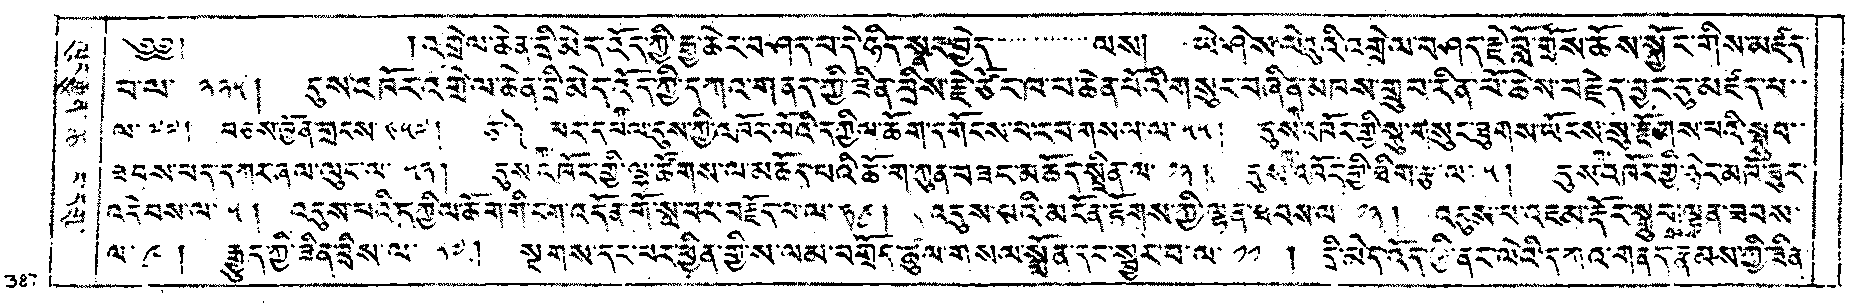༄༅། །འགྲེལ་ཆེན་དྲི་མེད་འོད་ཀྱི་རྒྱ་ཆེར་བཤད་པ་དེ་ཉིད་སྣང་བྱེད་ལས། ཡེ་ཤེས་ལེའུའི་འགྲེལ་བཤད་རྗེ་བློ་གྲོས་ཆོས་སྐྱོང་གིས་མཛད་
པ་ལ ༢༢༥། དུས་འཁོར་འགྲེལ་ཆེན་དྲི་མེད་འོད་ཀྱི་དཀའ་གནད་ཀྱི་ཟིན་བྲིས་རྗེ་ཙོང་ཁ་པ་ཆེན་པོའི་གསུང་བཞིན་མཁས་གྲུབ་རིན་པོ་ཆེས་བརྗེད་བྱང་དུ་མཛད་པ་
ལ ༧༧། བཅས་ཁྱོན་གྲངས ༤༥༧། ཅ྄་ཀ་པར་དཔལ་དུས་ཀྱི་འཁོར་ལོའི་དཀྱིལ་ཆོག་དགོངས་པ་རབ་གསལ་ལ ༥༥། དུས་ཀ་འཁོར་གྱི་སྐུ་གསུང་ཐུགས་ཡོངས་སུ་རྫོགས་པའི་སྒྲུབ་
ཐབས་པད་དཀར་ཞལ་ལུང་ལ ༥༢། ཀ་དུས་འཁོར་གྱི་ལྷ་ཚོགས་ལ་མཆོད་པའི་ཆོ་ག་ཀུན་བཟང་མཆོད་སྤྲིན་ལ ༡༢། ཀ་དུས་འཁོར་གྱི་ཐིག་རྩ་ལ ༥། ཀ་དུས་འཁོར་གྱི་ཉེར་མཁོ་ཟུར་
འདེབས་ལ ༥། འདུས་པའི་དཀྱིལ་ཆོག་གི་ངག་འདོན་གོ་སླ་བར་བརྗོད་པ་ལ ༢༩། འདུས་པའི་མངོན་རྟོགས་ཀྱི་ལྷན་ཐབས་ལ ༡༢། འདུས་པ་འཇམ་རྡོར་སྒྲུབ་ཐབས་ལྷན་ཐབས་
ལ ༩། རྒྱུད་ཀྱི་ཟིན་བྲིས་ལ ༨༧། སྔགས་དང་ཕར་ཕྱིན་གྱི་ས་ལམ་བགྲོད་ཚུལ་གསལ་སྒྲོན་དང་སྦྱར་བ་ལ ༡༡། དྲི་མེད་འོད་ཀྱི་ནང་ལེའི་དཀའ་གནད་རྣམས་ཀྱི་ཟིན་